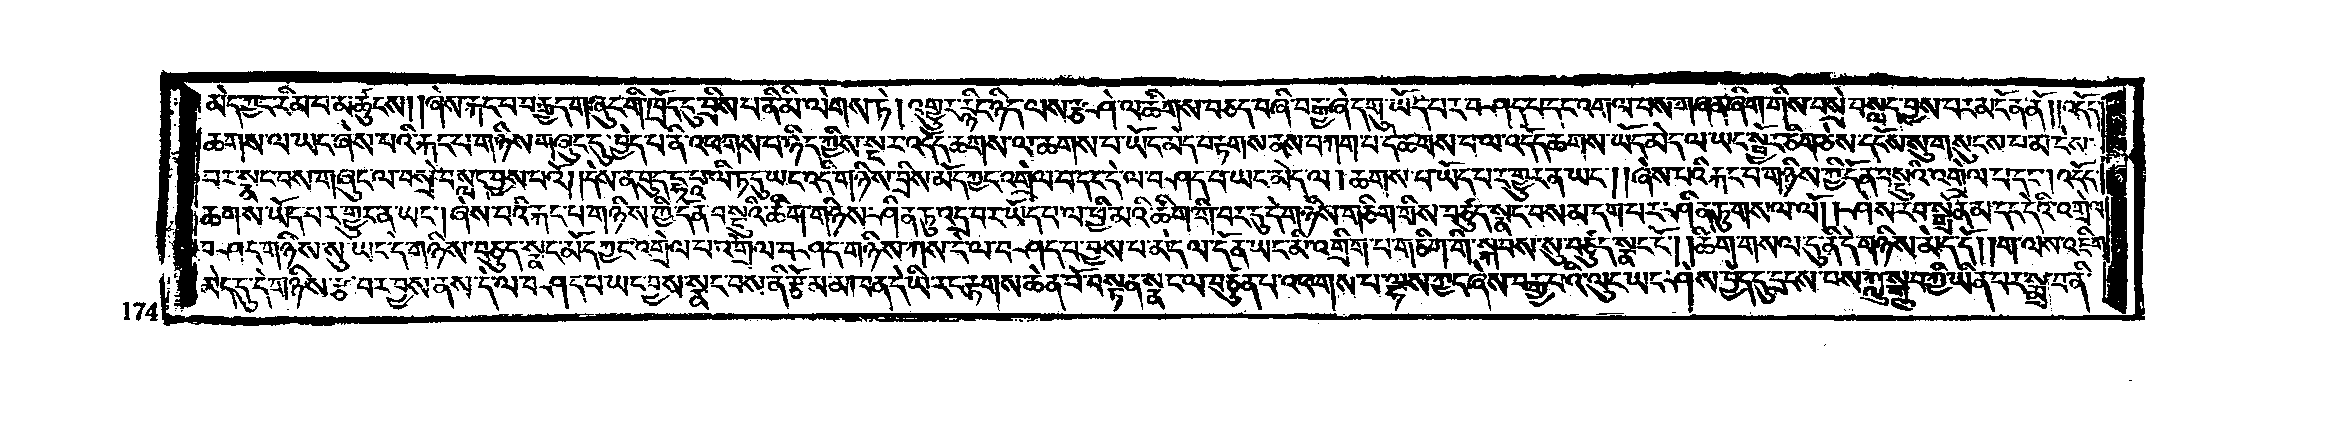མེད་ཀྱང་པར་མ་པ་མཚུངས། ཞེས་རྐང་བ་རྲྒྱད་དུ་གོ་ཁྲོད་དུ་བྲིས་པ་ནི་མི་ལེགས་ཏེ། འགྱུར་རྙིང་ཉིད་ལས་རྩ་ཤེ་ལ་ཚིགས་བཅད་བཞི་བརྒྱ་ཞེ་དགུ་ཡོད་པར་བཤད་པ་དང་འགལ་བས་གཞན་ཞིག་གིས་བསྲེ་བསླད་བྱས་པར་མངོན་ནོ། །འདོད་
ཆགས་ལ་ཡང་ཞེས་པར་རྐང་པ་གཉིས་ག?ཨང་དུ་བྱེད་པ་དེ་འཕགས་པ་ཉིད་ཀྱིས་སྔར་འདོད་ཆགས་ལ་ཆགས་པ་ཡོད་མེད་བརྟགས་ནས་བཀག་པ་དེ་ཆགས་པ་ལ་འདོད་ཆགས་ཡོད་མེད་ལ་ཡང་སྦྱོར་ཅིག་ཅེས་དངོས་སུ་གསུངས་པ་མ་ངེས་
པར་སྣང་པས་གཞུང་ལ་བསྒྲ་བ་བསླབ་བྱས་པའོ། དེས་ན་བུད་དྷ་པཱ་ལི་ཏ་དུ་ཡང་འདི་གཉིས་བྲིས་མོད་ཀྱང་འགྲེལ་བ་དར་དེ་ལ་བཤད་པ་ཡང་མད་ལ། ཆགས་པ་ཡོད་པར་གྱུར་ན་ཡང་། །ཞེས་པའི་རྐང་པ་གཉིས་ཀྱི་དོན་བསྡུའི་འགྲེལ་པ་དང་། འདོད་
ཆགས་ཡོད་པར་གྱུར་ན་ཡང་། ཞེས་པའི་རྐང་པ་གཉིས་ཀྱི་དོན་བསྡུའི་ཚིག་གཉིས་ཤིན་ཏུ་འགྲས་བར་ཡོད་པ་ལ་ཕྱི་མའི་ཚིག་བར་དུ་དེ་གཉིས་གཅིག་གིས་བཙུད་སྣང་བསམ་དག་བར་ཤིན་ཏུ་གསལ་ལོ། །ཤེས་རབ་སྒྲོན་མ་དང་དེའི་འགྲེལ་
བཤད་གཉིས་སུ་ཡང་དེ་གཉིས་བཅུ་སྔན་མཛོད་ཀྱང་འགྲེལ་པ་འགྲེལ་བཤད་གཉིས་ཀས་དེ་ལ་བཤད་པ་བྱས་པ་མེད་ལ་དོན་ཡང་མི་འགྲིག་པ་གཅིག་གི་སྐབས་སུ་བཅུད་སྣང་ངོ། །ཚིག་གསལ་དུ་ནི་དེ་གཉིས་མེད་དོ། །ག་ལས་འཇིག་
མེད་དུ་དེ་གཉིས་རྩ་བར་བྱས་ནས་དེ་ལ་བཤད་པ་ཡང་བྱས་སྣག་བས་ནི་རྩོམ་མཁན་དེ་ཡི་རང་བརྟགས་ཆེན་པོ་བསྟན་སྣང་ལ་བཙུན་པ་འཕགས་པ་ལྷས་ཀྱང་ཞེས་བརྒྱ་པའི་སླུང་ཡང་ཤེས་བྱེད་དུ་དྲང་པས་ཀླུ་སྒྲུབ་ཀྱི་ཡིན་པར་སྨྲ་བ་ནི་